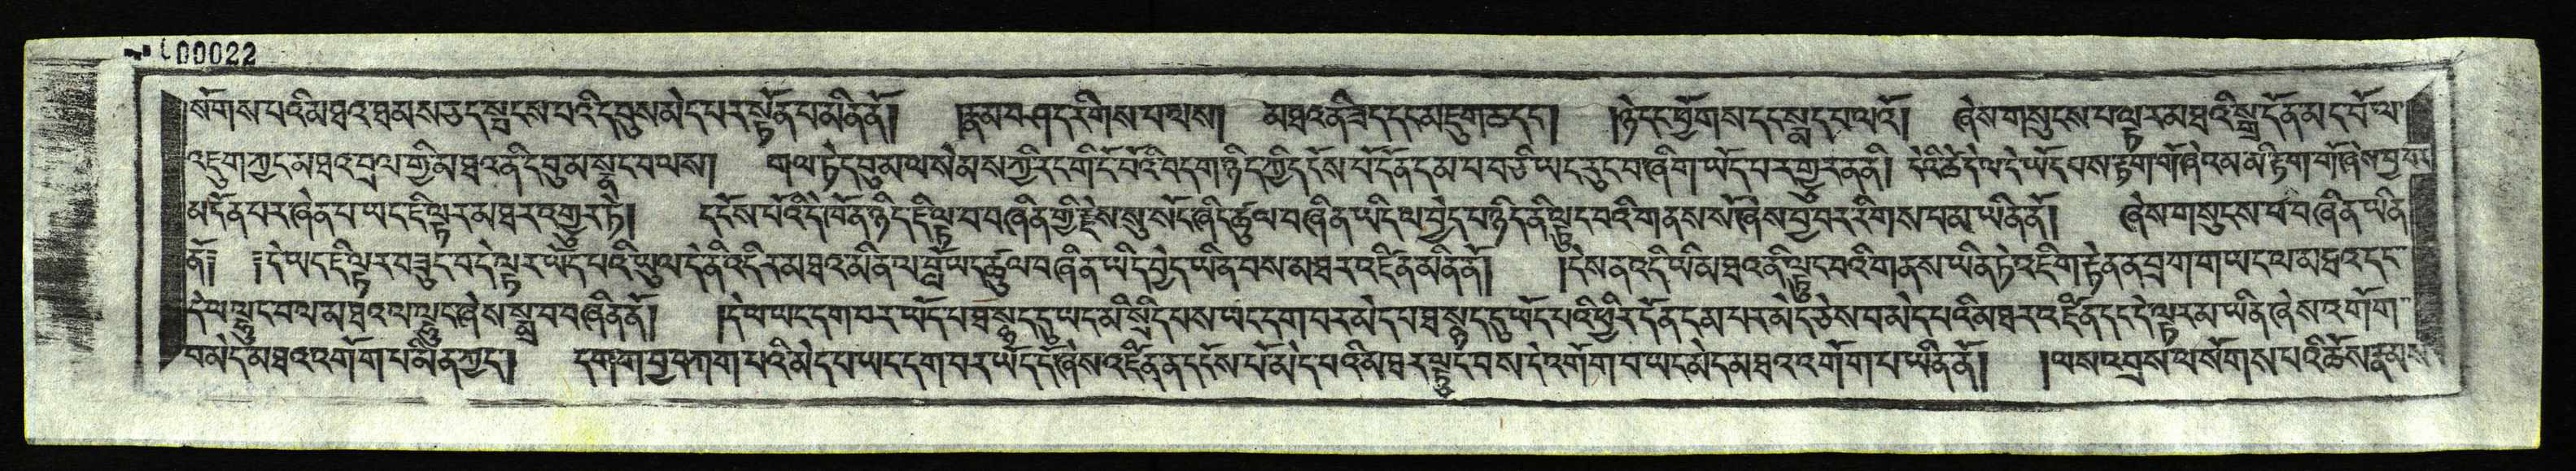སོགས་པའི་མཐའ་ཐམས་ཅད་སྤངས་པའི་དབུས་མེད་པར་སྟོན་པ་མིན་ནོ། །རྣམ་བཤད་རིགས་པ་ལས། མཐའ་ནི་ཟད་དང་མཇུག་ཆ་དང་། །ཉེ་དང་ཕྱོགས་དང་སྨད་པ་ལའོ། ཞེས་གསུངས་པ་ལྟར་མཐའི་སྒྲ་དོན་མང་པོ་ལ་
འཇུག་ཀྱང་མཐའ་བྲལ་གྱི་མཐའ་ནི་དབུ་མ་སྣང་བ་ལས། གལ་ཏེ་དབུ་མ་ལ་སེམས་ཀྱི་རང་གི་ངོ་བོའི་བདག་ཉིད་ཀྱི་དངོས་པོ་དོན་དམ་པ་བ་ཅི་ཡང་རུང་བ་ཞིག་ཡོད་པར་གྱུར་ན་ནི། དེའི་ཚེ་དེ་ལ་དེ་ཡོད་པས་རྟག་གོ་ཞེའམ་མི་རྟག་གོ་ཞེས་བྱ་བར་
མངོན་པར་ཞེན་པ་ཡང་ཇི་ལྟར་མཐར་འགྱུར་ཏེ། དངོས་པོའི་དེ་ཁོ་ན་ཉིད་ཇི་ལྟ་བ་བཞིན་གྱི་རྗེས་སུ་སོང་ཞིང་ཚུལ་བཞིན་ཡིད་ལ་བྱེད་པ་ཉིད་ནི་ལྟུང་བའི་གནས་སོ་ཞེས་བྱ་བར་རིགས་པ་མ་ཡིན་ནོ། ཞེས་གསུངས་པ་བཞིན་ཡིན་
ནོ༑ ༑དེ་ཡང་ཇི་ལྟར་བཟུང་བ་དེ་ལྟར་ཡོད་པའི་ཡུལ་དེ་ནི་འདིར་མཐའ་མིན་ལ་བློ་ཡང་ཚུལ་བཞིན་ཡིད་བྱེད་ཡིན་པས་མཐར་འཛིན་མིན་ནོ། །དེས་ན་འདི་ཡི་མཐའ་ནི་ལྟུང་བའི་གནས་ཡིན་ཏེ་འཇིག་རྟེན་ན་བྲག་གཡང་ལ་མཐའ་དང་
དེ་ལ་ལྷུང་བ་ལ་མཐའ་ལ་ལྷུང་ཞེས་སྨྲ་བ་བཞིན་ནོ། །དེ་ལ་ཡང་དག་པར་ཡོད་པ་ཐོ་སྙད་དུ་ཡང་མི་སྲིད་པས་ཡང་དག་པར་མེད་པ་ཐ་སྙད་དུ་ཡོད་པའི་ཕྱིར་དོན་དམ་པར་མེད་ཅེས་པ་མེད་པའི་མཐར་འཛིན་དང་དེ་ལྟར་མ་ཡིན་ཞེས་འགོག་
པ་མེད་མཐའ་གོག་པ་མིན་ཀྱང་། དགག་བྱ་བཀག་པའི་མེད་པ་ཡང་དག་པར་ཡོད་དོ་ཞེས་འཛིན་ན་དངོས་པོ་མེད་པའི་མཐར་ལྟུང་བས་དེ་འགོག་པ་ཡང་མེད་མཐའ་འགོག་པ་ཡིན་ནོ། །ལས་འབྲས་ལ་སོགས་པའི་ཆོས་རྣམས་